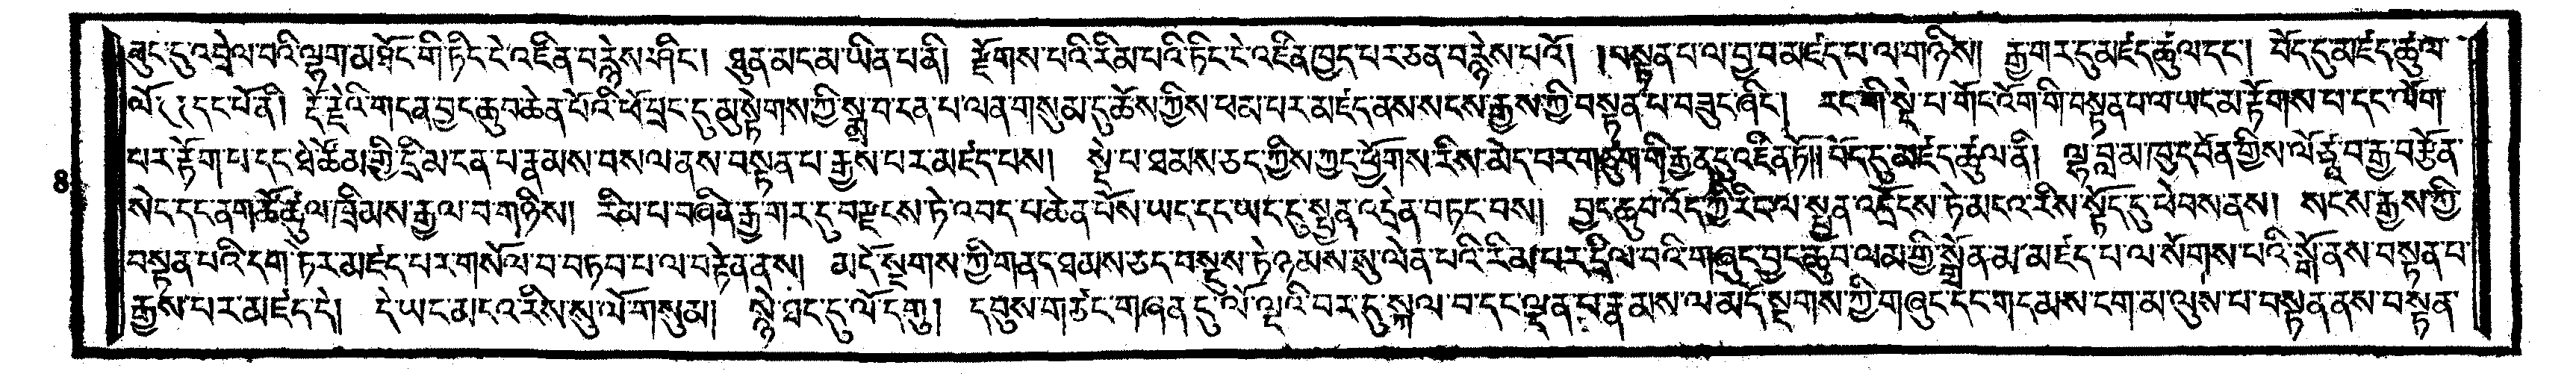ཟུང་དུ་འབྲེལ་བའི་ལྷག་མཐོང་གི་ཏིང་ངེ་འཛིན་བརྙེས་ཤིང་། ཐུན་མང་མ་ཡིན་པ་ནི། རྫོགས་པའི་རིམ་པའི་ཏིང་ངེ་འཛིན་ཁྱད་པར་ཅན་བརྙེས་པའོ། །བསྟན་པ་ལ་བྱ་བ་མཛད་པ་ལ་གཉིས། རྒྱ་གར་དུ་མཛད་ཚུལ་དང་། བོད་དུ་མཛད་ཚུལ་
ལོ༑ ༑དང་པོ་ནི། རྡོ་རྗེའི་གདན་བྱང་ཆུབ་ཆེན་པོའི་ཕོ་པྲང་དུ་མུ་སྟེགས་ཀྱི་སྨྲ་བ་ངན་པ་ལན་གསུམ་དུ་ཆོས་ཀྱིས་ཕམ་པར་མཛད་ནས་སངས་རྒྱས་ཀྱི་བསྟན་པ་བཟུང་ཞིང་། རང་གི་སྡེ་པ་གོང་འོག་གི་བསྟན་པ་ལ་ཡང་མ་རྟོགས་པ་དང་ལོག་
པར་རྟོག་པ་དང་ཐེ་ཚོམ་གྱི་དྲི་མ་ངན་པ་རྣམས་བསལ་ནས་བསྟན་པ་རྒྱས་པར་མཛད་པས། སྡེ་པ་ཐམས་ཅད་ཀྱིས་ཀྱང་ཕྱོགས་རིས་མེད་བར་གཙུག་གི་རྒྱན་དུ་འཛིན་ཏོ། །བོད་དུ་མཛད་ཚུལ་ནི། ལྷ་བླ་མ་ཁུ་དབོན་གྱིས་ལོ་ཙཱ་བ་རྒྱ་བརྩོན་
སེང་དང་ནག་ཚོ་ཚུལ་ཁྲིམས་རྒྱལ་བ་གཉིས། རིམ་པ་བཞིན་རྒྱ་གར་དུ་བརྫངས་ཏེ་འབད་པ་ཆེན་པོས་ཡང་དང་ཡང་དུ་སྤྱན་འདྲེན་བཏང་བས། བྱང་ཆུབ་འོད་ཀྱི་རིང་ལ་སྤྱན་འདྲོངས་ཏེ་མངའ་རིས་སྟོད་དུ་ཕེབས་ནས། སངས་རྒྱས་ཀྱི་
བསྟན་པའི་དག་ཏེར་མཛད་པར་གསོལ་བ་བཏབ་པ་ལ་བརྟེན་ནས། མདོ་སྔགས་ཀྱི་གནད་ཐམས་ཅད་བསྡུས་ཏེ་ཉམས་སུ་ལེན་པའི་རིམ་པར་དྲིལ་བའི་གཞུང་བྱང་ཆུབ་ལམ་གྱི་སྒྲོན་མ་མཛད་པ་ལ་སོགས་པའི་སྒོ་ནས་བསྟན་པ་
རྒྱས་པར་མཛད་དེ། དེ་ཡང་མངའ་རིས་སུ་ལོ་གསུམ། སྙེ་ཐང་དུ་ལོ་དགུ། དབུས་གཙང་གཞན་དུ་ལོ་ལྔའི་བར་དུ་སྐལ་བ་དང་ལྡན་པ་རྣམས་ལ་མདོ་སྔགས་ཀྱི་གཞུང་དང་གདམས་ངག་མ་ལུས་པ་བསྟན་ནས་བསྟན་